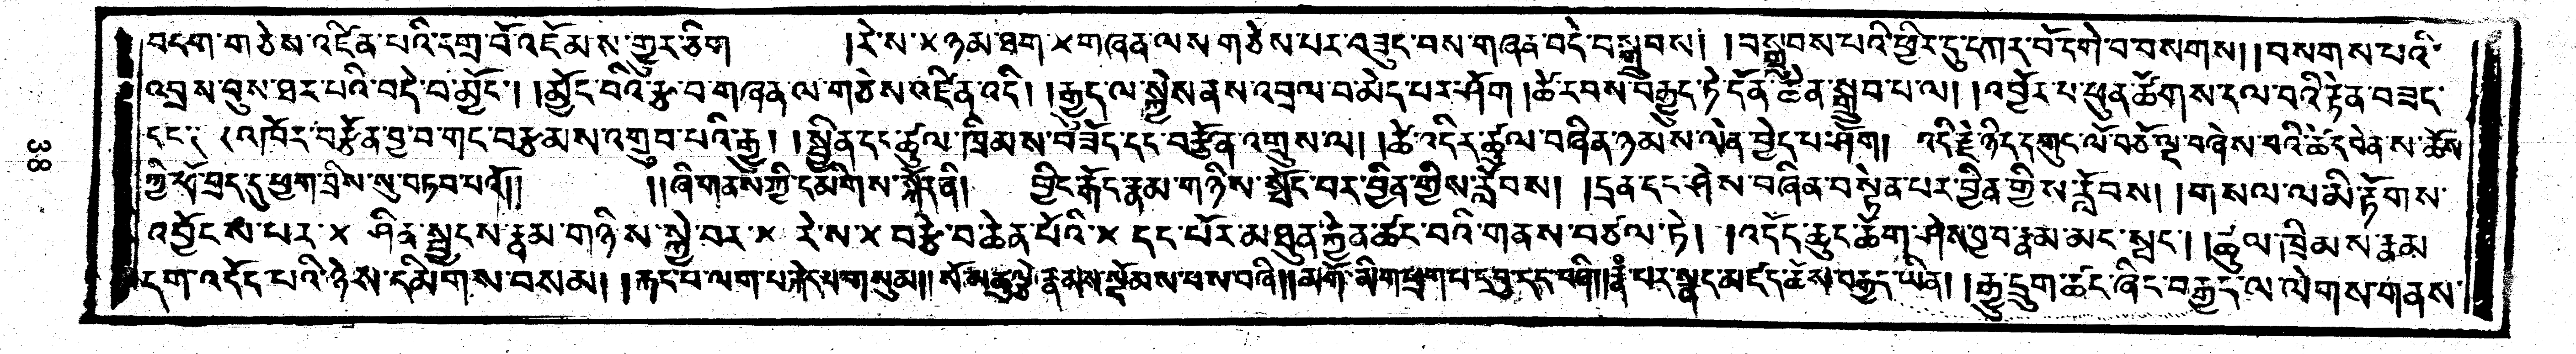བདག་གཅེས་འཛིན་པའི་དགྲ་བོ་འཇོམས་གྱུར་ཅིག །རེ་ས་྾་ཉམ་ཐག་྾་གཞན་ལས་གཅེས་པར་བཟུང་བས་གཞན་བདེ་བསྒྲུབས། །བསྒྲུབས་པའི་ཕྱིར་དུ་དཀར་བོ་དགེ་བ་བསགས། །བསགས་པའི་
འབྲས་བུས་ཐར་པའི་བདེ་བ་མྱོང་། །མྱོང་བའི་རྩ་བ་གཞན་ལ་གཅེས་འཛིན་འདི། །རྒྱུད་ལ་སྐྱེས་ནས་འབྲལ་བ་མེད་པར་ཤོག །ཚེ་རབས་བརྒྱུད་ཏེ་དོན་ཆེན་སྒྲུབ་པ་ལ། །འབྱོར་པ་ཕུན་ཚོགས་དལ་བའི་རྟེན་བཟང་
དང༑ །འཁོར་བརྩོན་བྱ་བ་གང་བརྩམས་འགྲུབ་པའི་རྒྱུ། །སྦྱིན་དང་ཚུལ་ཁྲིམས་བཟོད་དང་བརྩོན་འགྲུས་ལ། །ཚེ་འདིར་ཚུལ་བཞིན་ཉམས་ལེན་བྱེད་པ་ཤོག། འདི་རྗེ་ཉིད་དགུང་ལོ་བཅོ་ལྔ་བཞེས་བའི་ཚེ་དབེན་ས་ཆོས་
ཀྱི་ཕོ་བྲང་དུ་ཕྱག་བྲིས་སུ་བཏབ་པའོ།། །།ཞི་གནས་ཀྱི་དམིགས་སྐོར་ནི། བྱིང་རྒོད་རྣམ་གཉིས་སྤོང་བར་བྱིན་གྱིས་རློབས། །དྲན་དང་ཤེས་བཞིན་བསྟེན་པར་བྱིན་གྱིས་རློབས། །གསལ་ལ་མི་རྟོགས་
འབྱོང་སཾ་པར་྾་ཤིན་སྦྱངས་རྣམ་གཉིས་སྐྱེ་བར་྾་རེ་ས་྾་བརྩེ་བ་ཆེན་པོའི་྾་དང་པོར་མཐུན་རྐྱེན་ཚང་བའི་གནས་བཙལ་ཏེ། །འདོད་ཆུང་ཆོག་ཤེས་བྱ་བ་རྣམ་མང་སྤང་། །ཚུལ་ཁྲིམས་རྣམ་
དག་འདོད་པའི་ཉེས་དམིགས་བསམ། །རྐང་པ་ལག་པ་རྐེད་པ་གསུམ། །སོ་མཆུ་ལྕེ་རྣམས་སྡོམས་པས་བཞི། །མགོ་མིག་ཕྲག་པ་དབུ་དང་བཞི། །རྣཾ་པར་སྣང་མཛད་ཆོས་བརྒྱད་ཡིན། །རྒྱུ་དྲུག་ཚང་ཞིང་བརྒྱད་ལ་ལེགས་གནས་